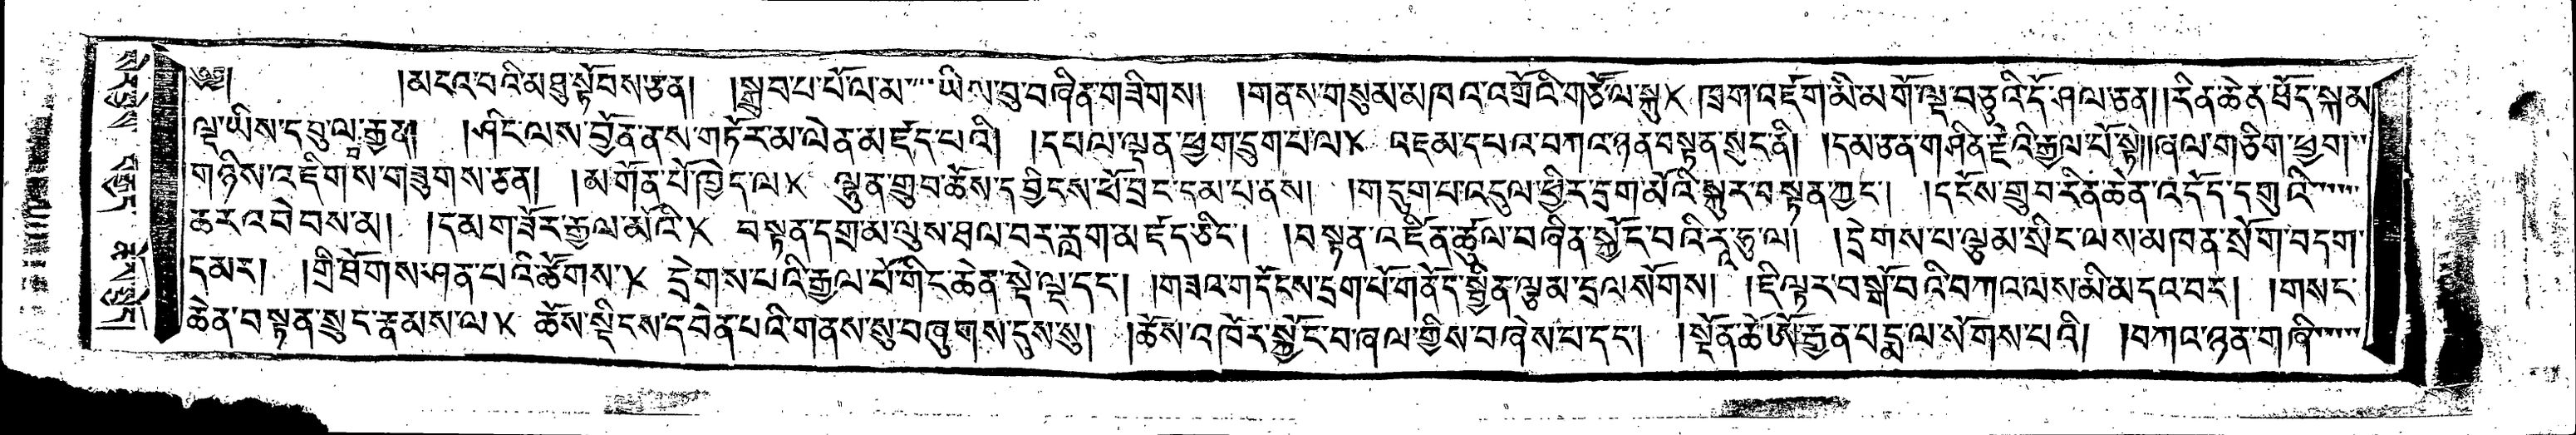༄༅། །མངའ་བའི་མཐུ་སྟོབས་ཅན། །སྒྲུབ་པ་པོ་ལ་མ་ཡིས་བུ་བཞིན་གཟིགས། །གནས་གསུམ་མཁའ་འགྲོའི་གཙོ་ལ་སྐུ་{྾}་ཁྲག་འཛག་མི་མགོ་ལྔ་བཅུའི་དོ་ཤལ་ཅན། །རིན་ཆེན་ཐོད་སྐམ་
ལྔ་ཡིས་དབུ་ལ་བརྒྱན། །ཤིང་ལས་བྱོན་ནས་གཏོར་མ་ལེན་མཛད་པའི། །དཔལ་ལྡན་ཕྱག་དྲུག་པ་ལ་{྾}་འཇམ་དཔའ་བཀའ་ཉན་བསྟན་སྲུང་ནི། །དམ་ཅན་གཤིན་རྗེའི་རྒྱལ་པོ་སྟེ། །ཞལ་གཅིག་ཕྱག་
གཉིས་འཇིགས་གཟུགས་ཅན། །མགོན་པོ་ཁྱེད་ལ་{྾}་ལྷུན་གྲུབ་ཆོས་དབྱིངས་ཕོ་བྲང་དམ་པ་ནས། །གདུག་པ་འདུལ་ཕྱིར་དྲག་མོའི་སྐུར་བསྟན་ཀྱང་། །དངོས་གྲུབ་རིན་ཆེན་འདོད་དགུའི་
ཆར་འབེབས་མ། །དམག་ཟོར་རྒྱལ་མོའི་{྾}་བསྟན་དགྲ་མ་ལུས་ཐལ་བར་རླག་མཛད་ཅིང་། །བསྟན་འཛིན་ཚུལ་བཞིན་སྐྱོང་བའི་རཱ་ཧུ་ལ། །དྲེགས་པ་ལྕམ་སྲིང་ལས་མཁན་སྲོག་བདག་
དམར། །གྲི་ཐོགས་ཤན་པའི་ཚོགས་{྾}་དྲེགས་པའི་རྒྱལ་པོ་གིང་ཆེན་སྡེ་ལྔ་དང་། །གཟའ་གདོངས་དྲག་པོ་གནོད་སྦྱིན་ལྕམ་དྲལ་སོགས། །ཇི་ལྟར་བསྒོ་བའི་བཀའ་ལས་མི་མདའ་བར། །གསང་
ཆེན་བསྟན་སྲུང་རྣམས་ལ་{྾}་ཆོས་སྡིངས་དབེན་པའི་གནས་སུ་བཞུགས་དུས་སུ། །ཆོས་འཁོར་སྐྱོང་བ་ཞལ་གྱིས་བཞེས་པ་དང་། །སྔོན་ཚེ་ཨོ་རྒྱན་པདམ་ལ་སོགས་པའི། །བཀའ་ཉན་གཞི་